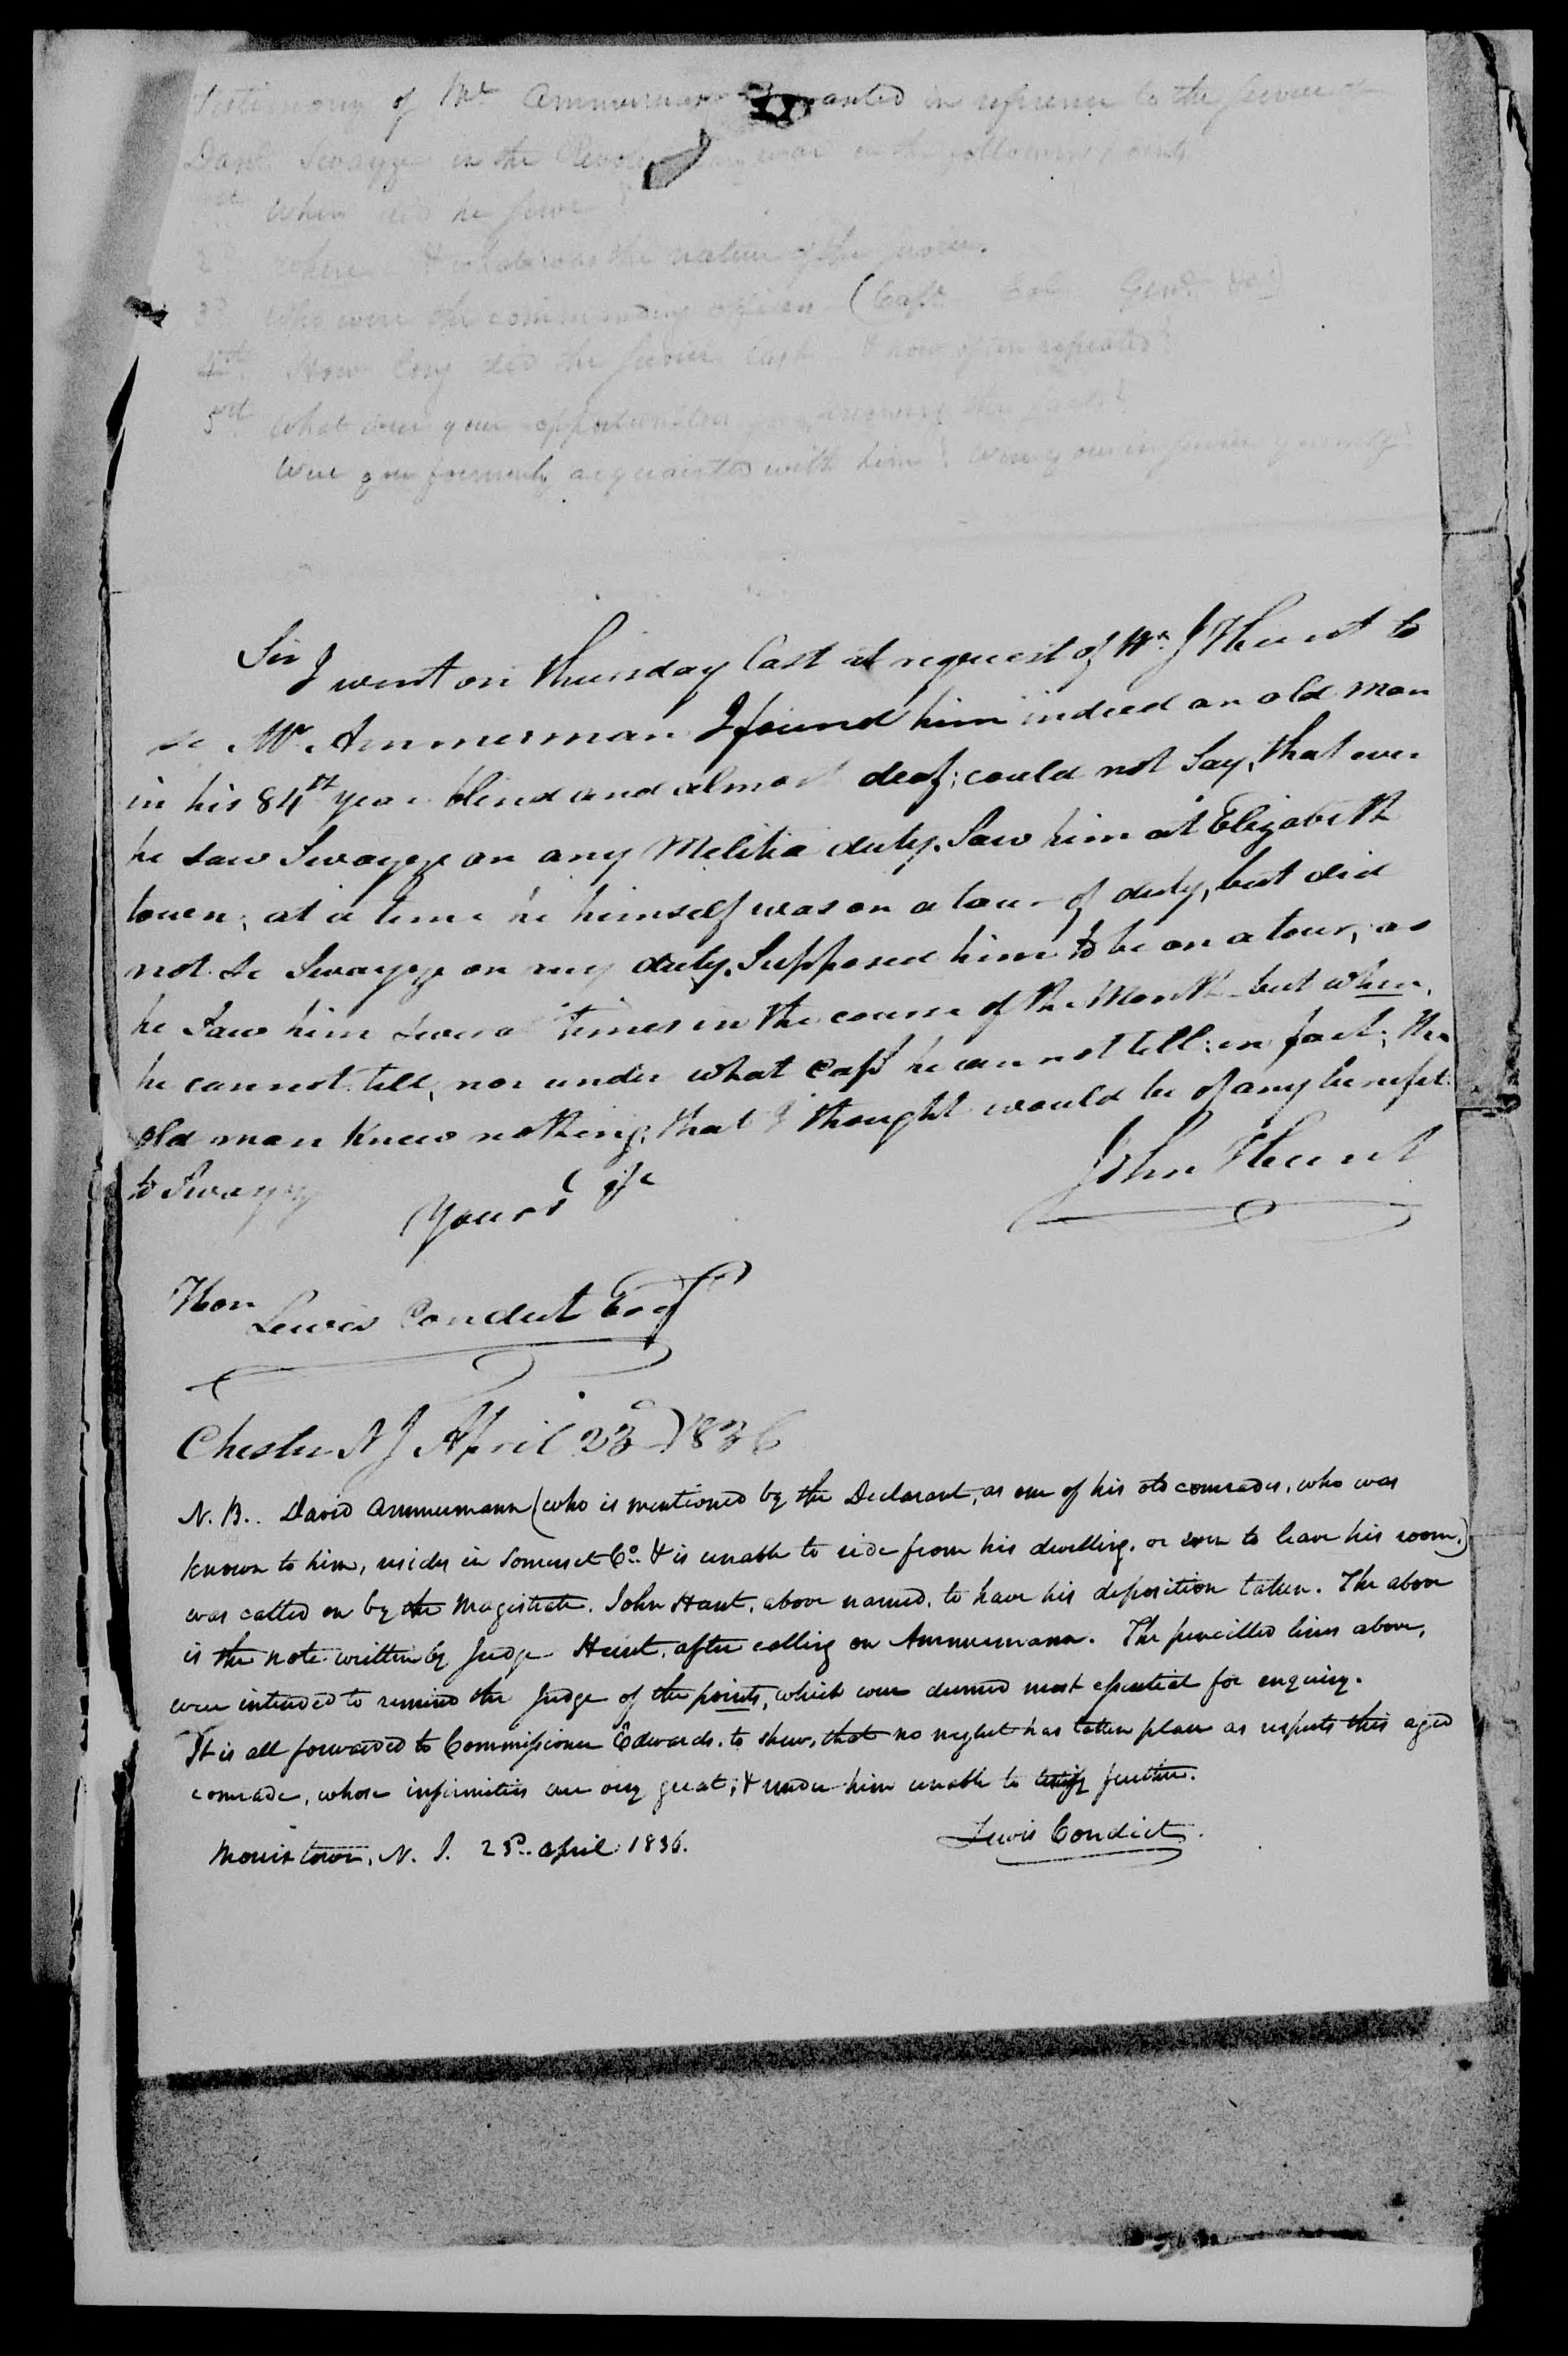Testimony of the Amm[illegible] granted in reference to the service of Daniel Swayze in the Revolutionary war in the following [illegible] when and he [illegible] 5th whatever your opportunities [illegible] were you formerly acquainted with him [illegible]
 
For I went on Thursday last request of that to
Mr Ammerman I found him indeed an old man
in his 84th year blind and almost deaf, could not say that we
he saw Swayze on any Militia duty. saw him at Elizabethtown, at a time he himself was on a tour of duty, but did
not see Swayze on my duty. Supposed him to be on a tour as he saw him several times in the course of the month but when
he cannot tell, nor under what capt he cannot tell in fact, the
old man knew nothing; that I thought would be of any benefit to Swayze.
Court
if
John Hunt

Hon Lewis Conduct
Chester N.J. April 23 1836
N.B. David Annemann (who is mentioned by the Declarant, as one of his old comrades, who was
known to him, resides in Somerset Co & is unable to side from his dwelling, or son to have his room
was called on by the Magistrate, John Hunt, above named, to have his deposition taken. The above was intended to remind the Judge of the points which were deemed most essential for inquiry.  This all forwarded to Commissioner Edwards, to show that no [illegible] has taken place as [illegible] this aged comrade where information are our guest & under him which to testify further.

Morrison, N.J. 23 April 1836
Lewis Condict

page: 13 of 20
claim: survivor's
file: S. 4911, for Daniel Swayze, New Jersey